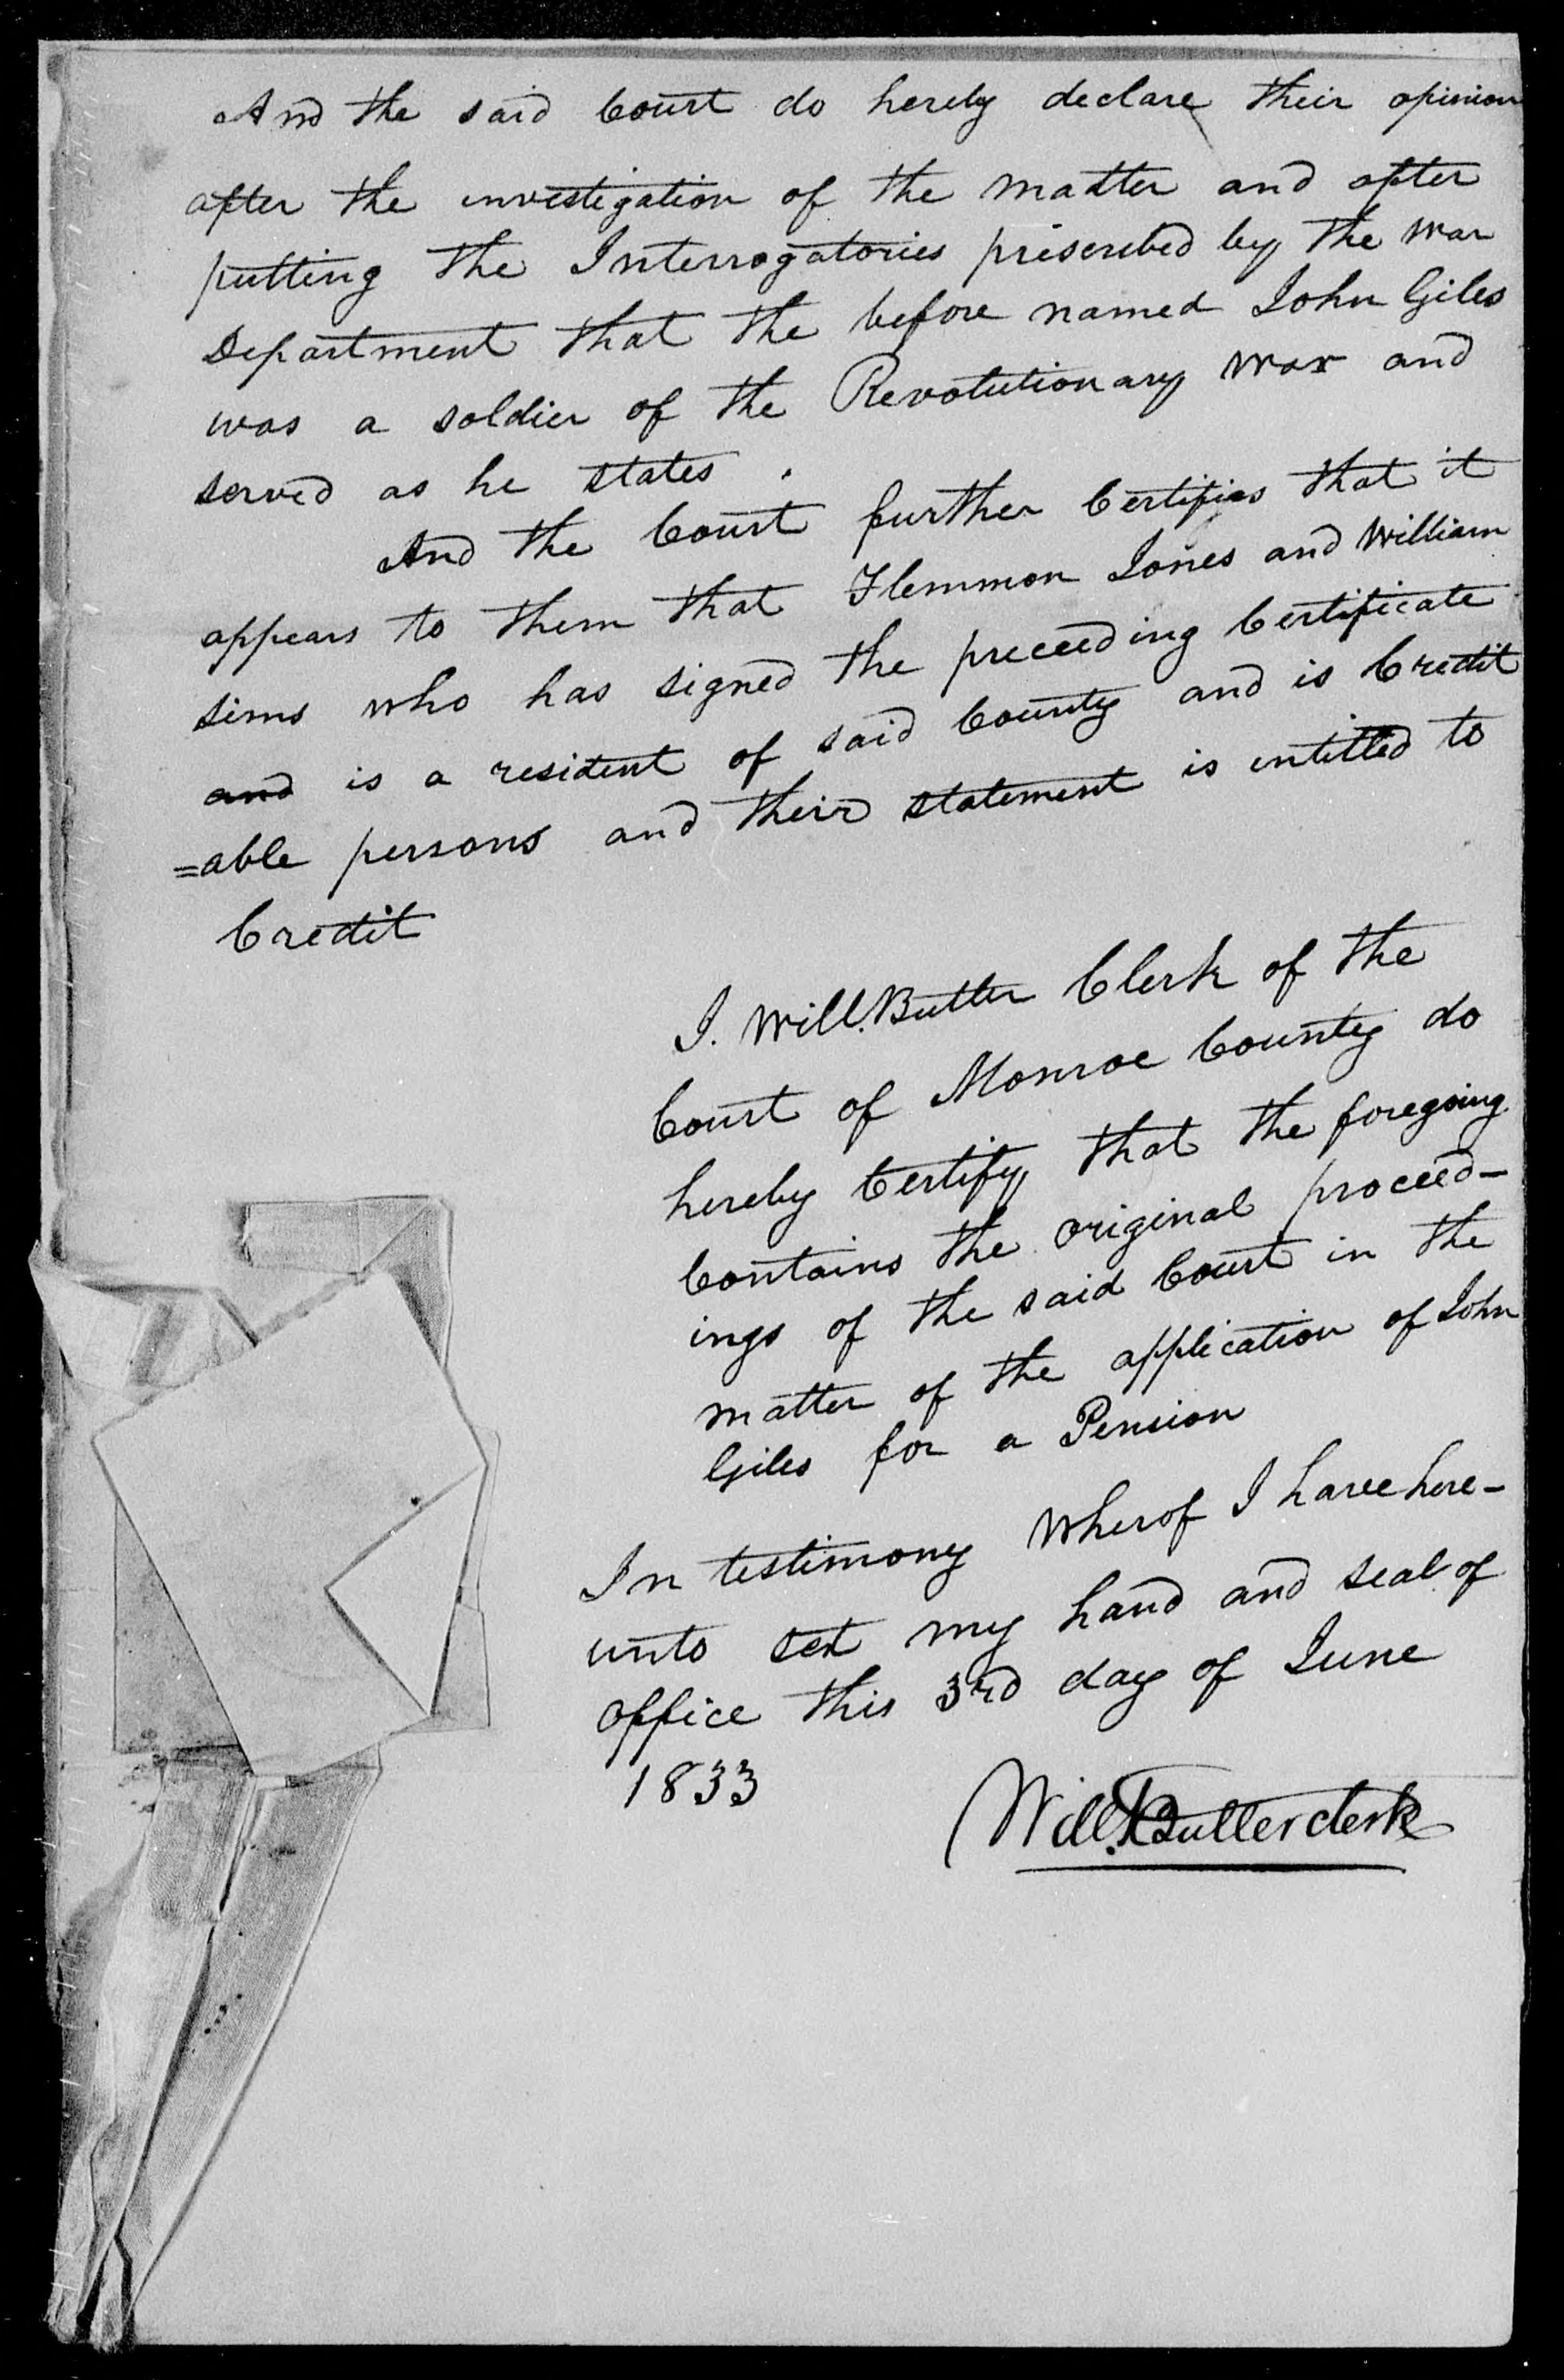And the said Court do hereby declare their opinion after the investigation of the matter and after putting the Interrogatories prescribed by the Warr Department that the before named John Giles was a soldier of the Revolutionary War and served as he states.

And the Cout further certifies that it appears to them that Flemmon Jones and William Sims who has signed the proceeding Certificate and is a resident of said County and is creditable persons and their statement is intitled to credit.

I Will Butler Clerk of the Court of Monroe County do hereby certify that the foregoing contains the original proceedings of the said Court in the matter of the application of John Giles for a Pension.

In testimony whereof I have hereunto sent my hand and seal of office this 3rd day of June 1833

Will Butler Clerk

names: John Giles, Will Butler, William Sims, John Giles, Flemmon Jones, Will Butler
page: 11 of 82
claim: widow's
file: W. 7,522, John Giles, N.C.